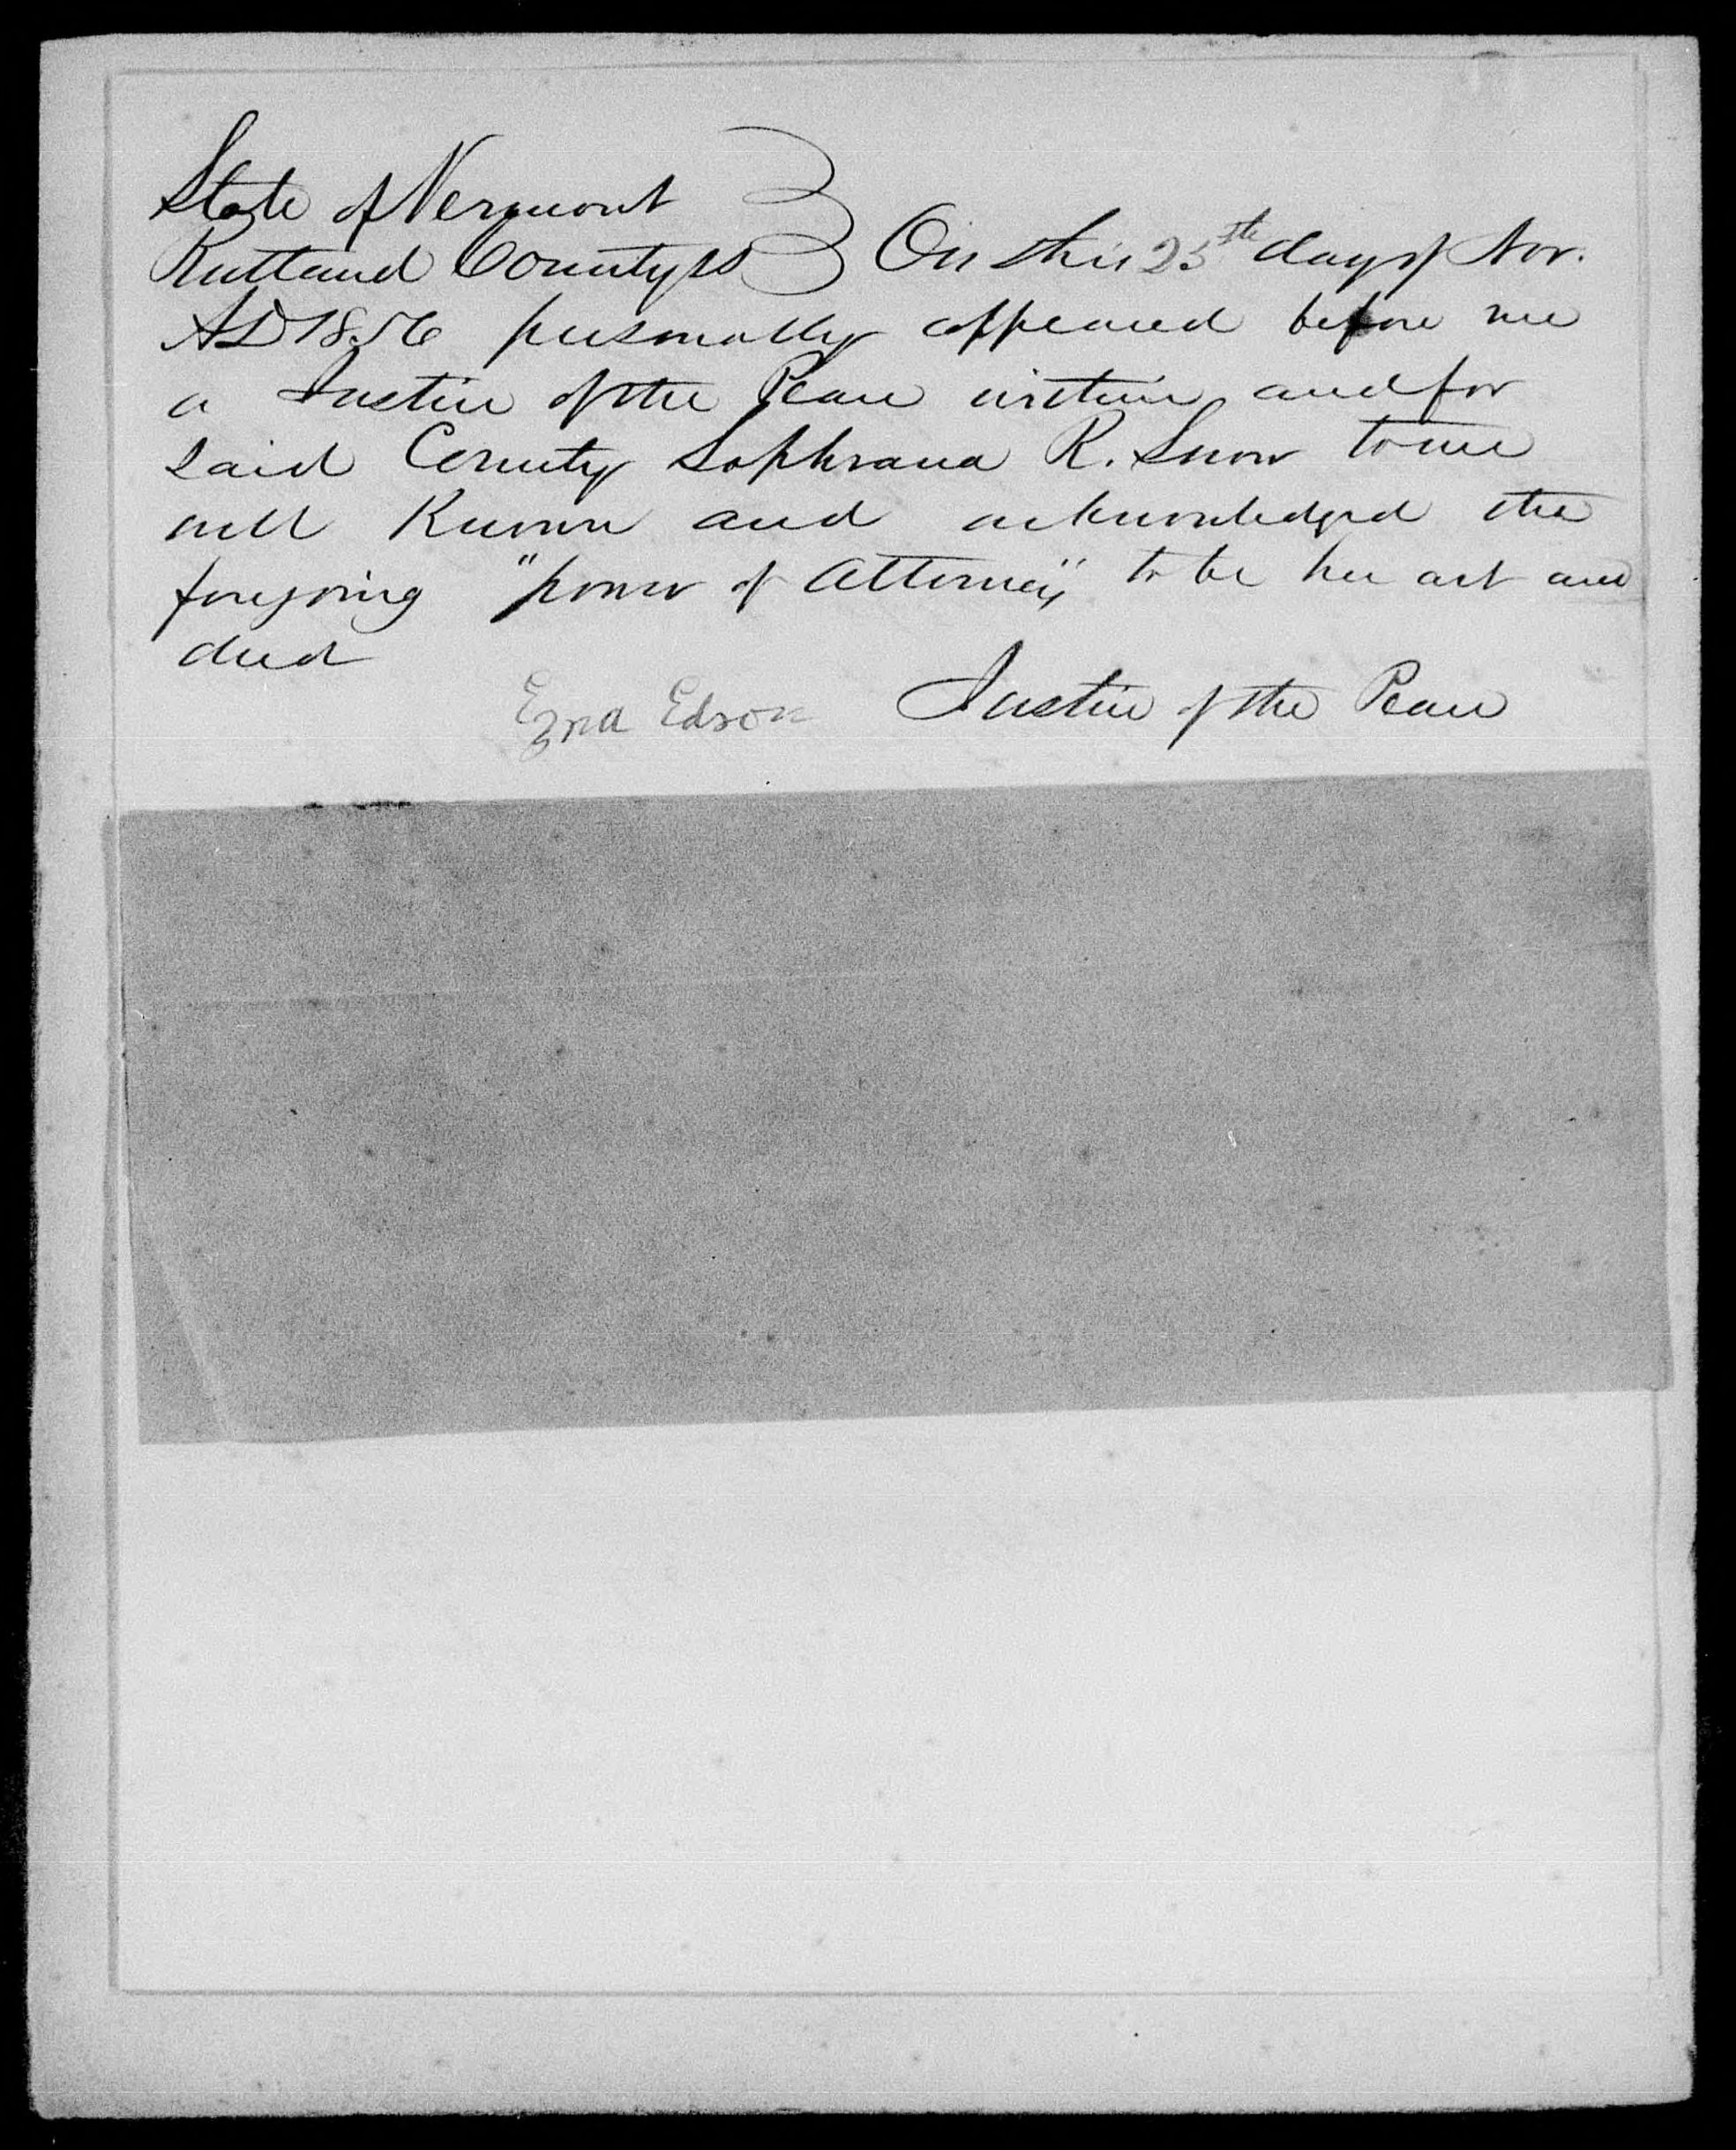State of Vermont
Rutland County 
On this 25th day of Nov. AD 1856 personally appeared before me a Justice of the Peace writing and for said County Sophrana R. Snow to me well known and acknowledged the foregoing "power of attorney" to be her act and deed

Ezra Edson Justice of the Peace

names: Sophrana R Snow, Ezra Edson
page: 10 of 22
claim: survivor's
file: S. 38777, Jacob Grover, Continental (Vt.)